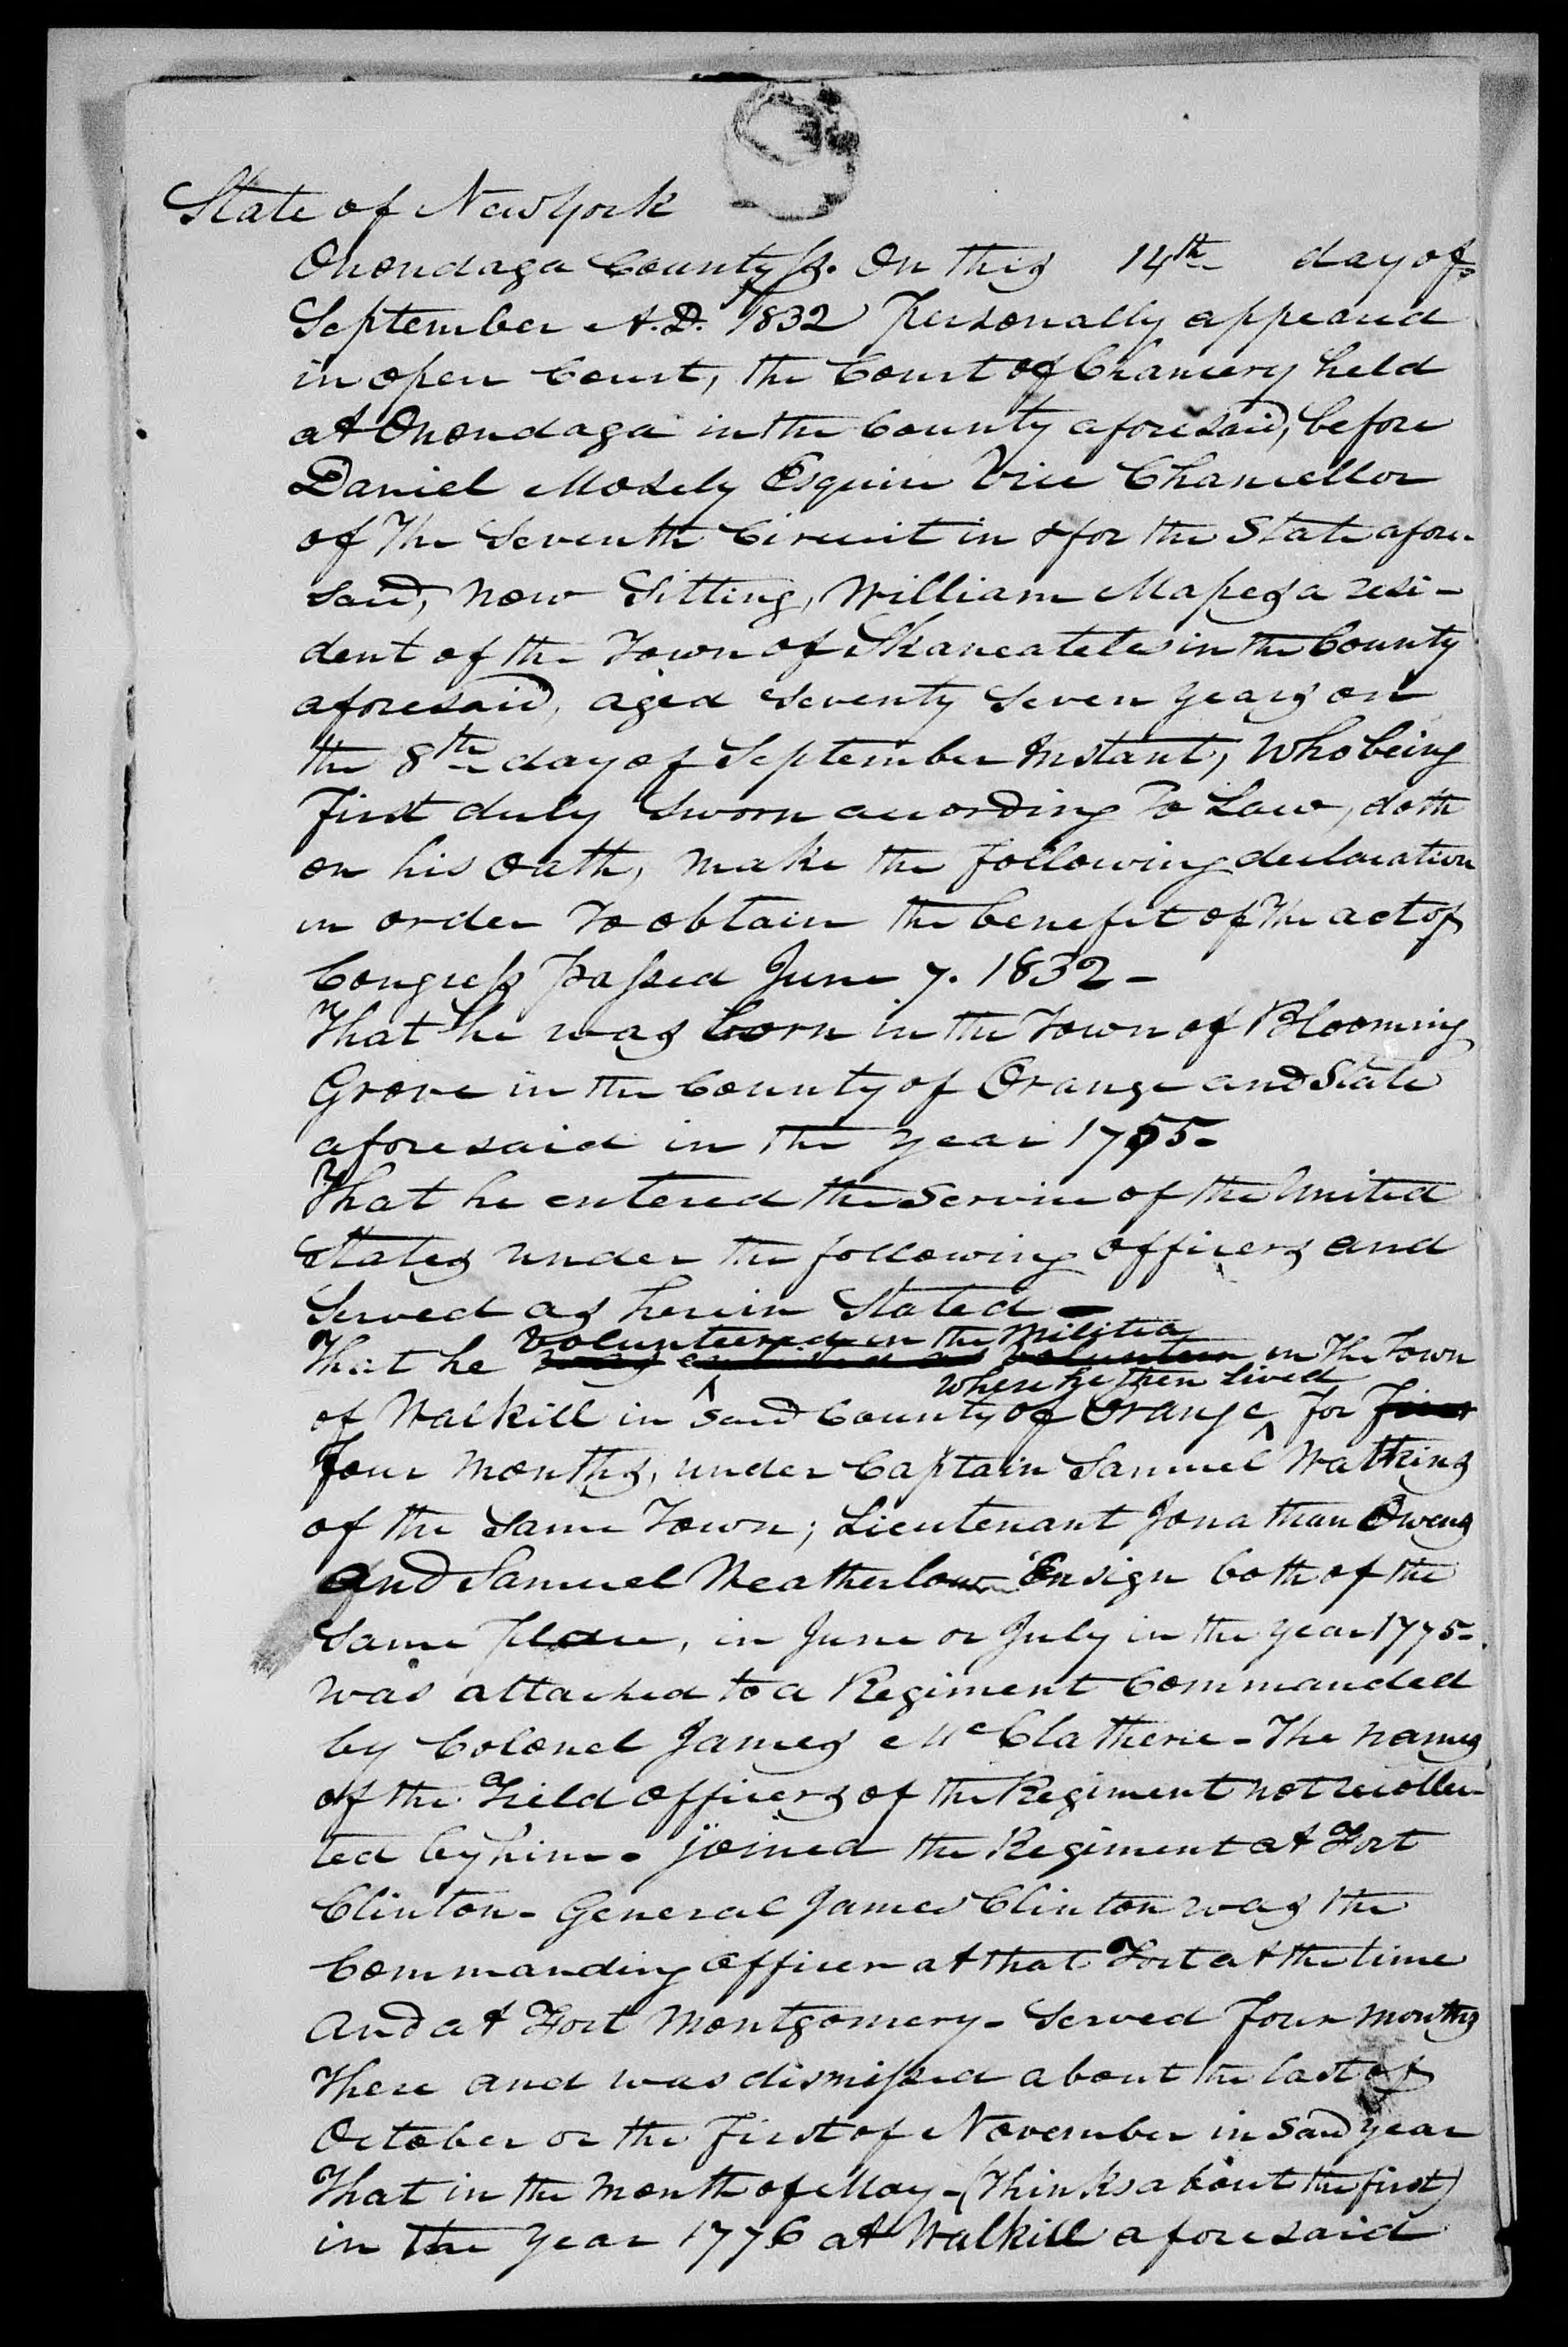State of New York 
Onondaga Countyss

On this 14th day of September A.D. 1832 personally appeared in open Court, the Court of Chancery held at Onondaga in the County aforesaid, before Daniel Mosely Esquire Vice Chancellor of the Seventh Circuit in & for the State aforesaid now sitting, William Mapes a resident of the Town of Skaneateles in the County aforesaid, aged Seventy Seven years on the 8th day of September Instant, who being first duly sworn according to Law, doth on his oath, make the following declaration in order to obtain the benefit of the act of Congress passed June 7. 1832 - 
That he was born in the Town of Blooming Grove in the County of Orange and State aforesaid in the year 1755. 
That he entered the service of the United States under the following officers and served as herein stated 
That he volunteered in the militia in the town of Walkill in said county of Orange where he then lived for four months, under Captain Samuel Watkins of the same Town; Lieutenant Jonathan Owens and Samuel Weatherlow Ensign both of the Same place, in June or July in the year 1775 - was attached to a Regiment commanded by Colonel James McCatherie. The names of the field officers of the Regiment not recollected by him -  
joined the Regiment at Fort Clinton - General James Clinton was the Commanding Officer at that fort at the time And at Fort Montgomery - served four months there and was dismissed about the last of October or the first of November in said year 
That in the month of May (thinks about the first) in the year 1776 at Walkill aforesaid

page: 12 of 30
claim: survivor's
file: S. 13,873, for William Mapes, New York